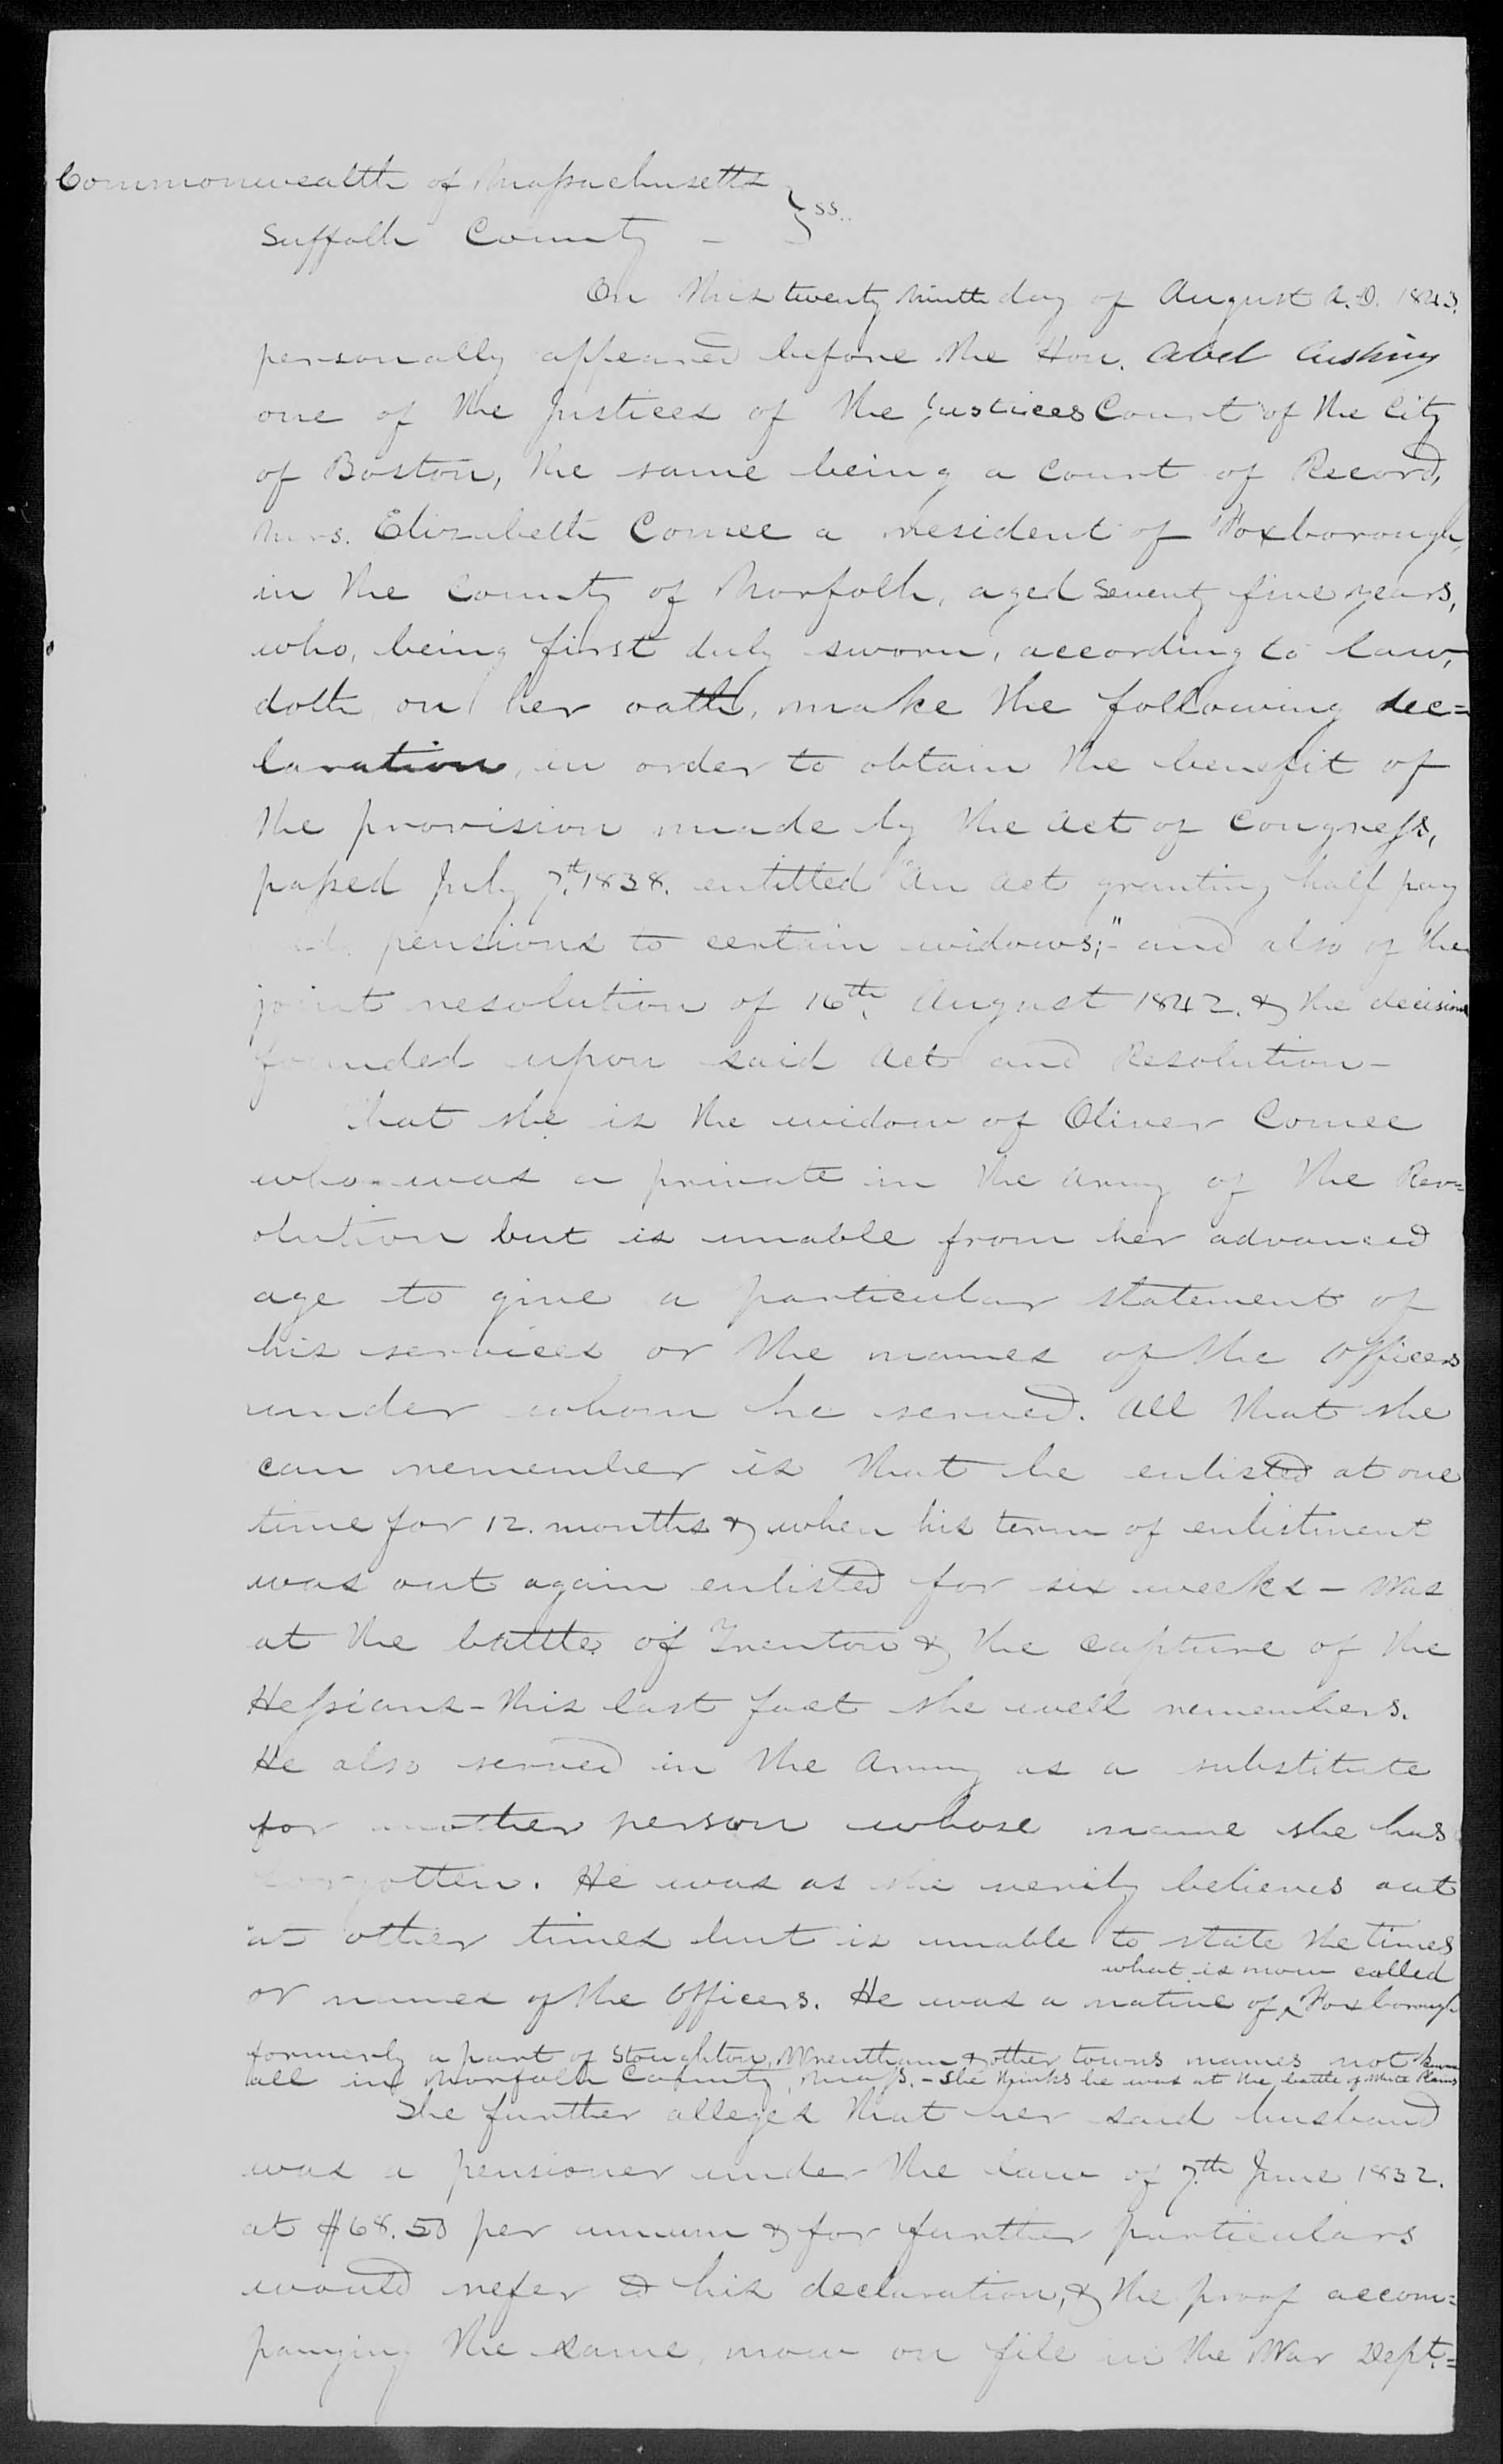Commonwealth of Massachusetts 
Suffolk County 
On this twenty ninth day of August A.D. 1843 personally appeared before the Hon. Abel Cushing one of the Justices of the justices Court of the City of Boston, the same being a Court of Record, Mrs. Elizabeth Comee a resident of Foxborough in the County of Norfolk, aged seventy five years, who, being first duly sworn, according to law, ┃ doth on her oath, make the following declaration in order to obtain the benefit of the provision made by the act of Congress, passed July 7th 1838 entitled by the act granting half pay pensions to certain widows; and also of the ┃ joint resolution of 16th August 1842. & the decision founded upon said act and Resolution that she is the widow of Oliver Comee who was a private in the army  of the Revolution but is unable from her advanced age to give a particular statement of his services of the names of the officers under whom he served, all that the can remember is that he enlisted at one ┃ time for 12 months & when his term of enlistment was out again enlisted for six weeks - was at the battle of Trenton & the capture of the Hessians - this last fact the well remembers He also served in the Army as a substitute for another person whose name she has gotten. He was as she verily believes out other times but is unable to state the times or name of the Officers. He was a native of what is now called Foxborough formerly a part of Stoughton, Wrentham & other towns names not known all in Norfolk County, Mass. she thinks he was at the battle of White Plains. 
She further alleged that her said husband was a pensioner under the law of 7th June 1832. 1 at $68.50 per annum & for further particulars would refer to his declaration, & the proof accompanying the same now on file in the War Dept ⎬ ss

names: Oliver Comee, Abel Cushing, Elizabeth Comee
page: 11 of 45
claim: widow's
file: W. 14,567, Oliver Comee, Mass.